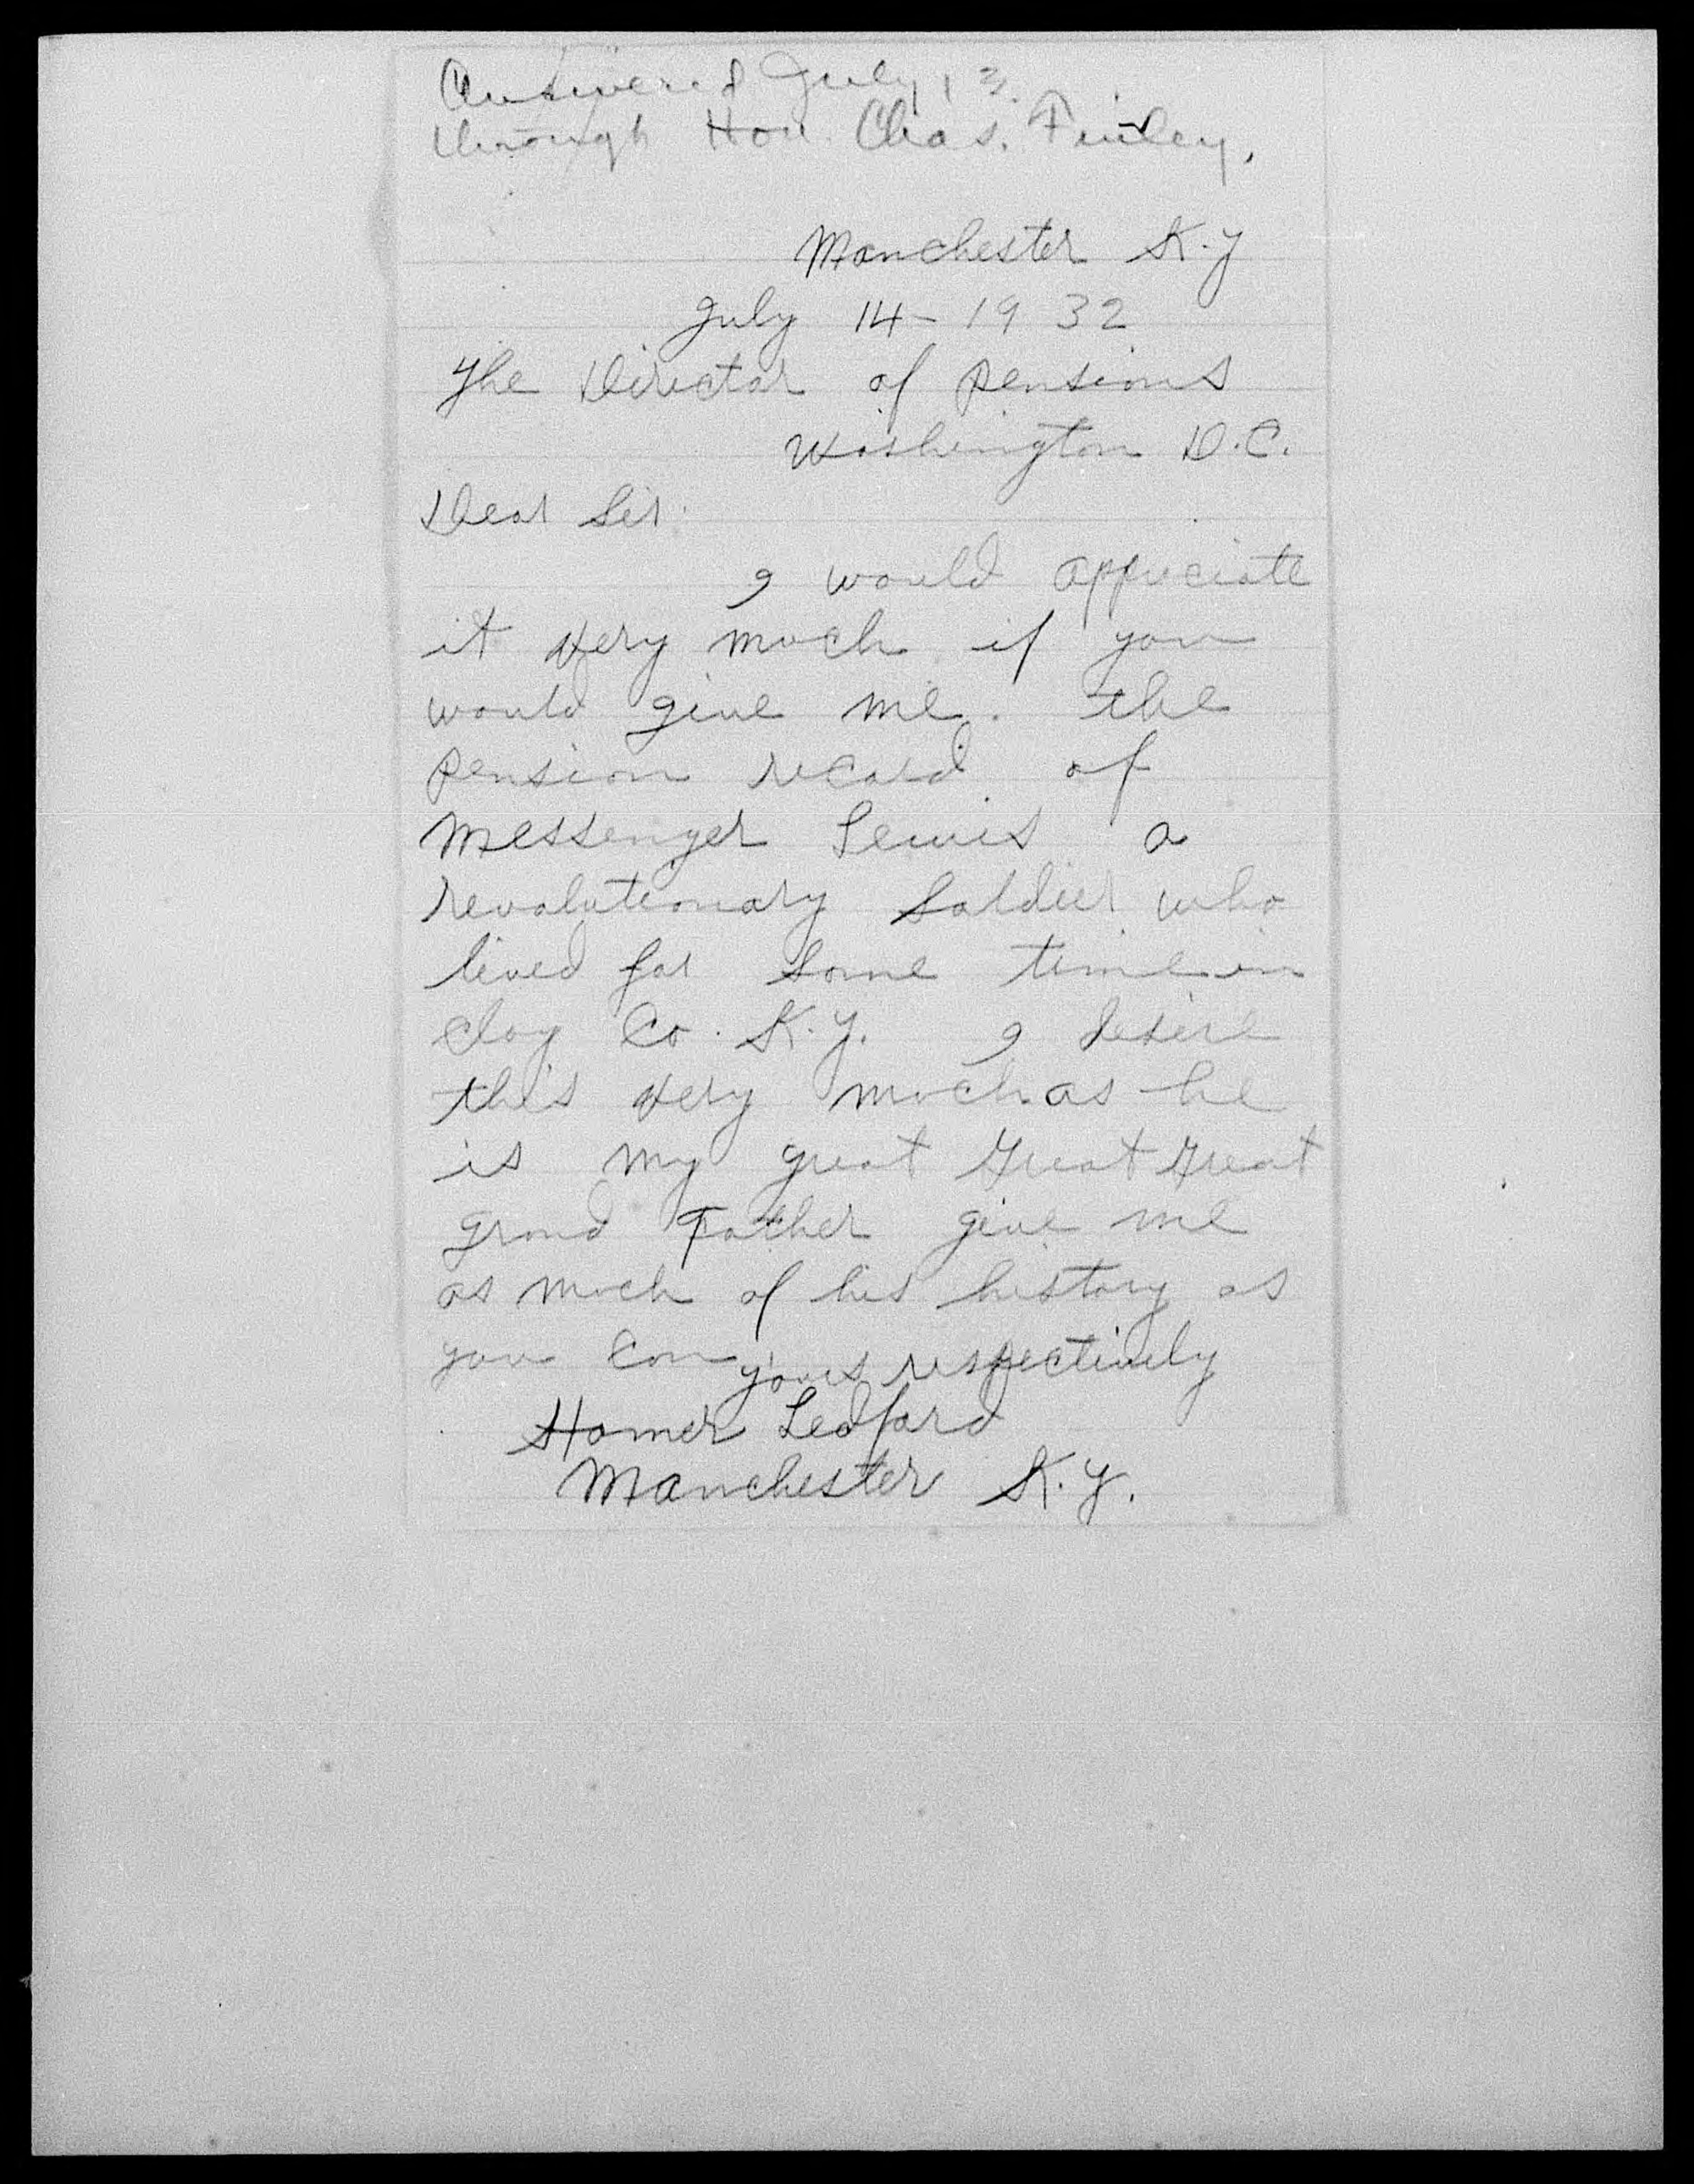Answered July 13. through Hon Chas. Finley, 
Manchester K.Y. 
July 14-1932 
The Director of Pensions 
Washington D.C. 
Dear Sir  
I would appreciate it very much if you would give me the pension record of Messenger Lewis A revolutionary Soldier who lived for some time in Clay Co. N.Y.  I desire this very much as he is my great Great great Grand Father give me as much of his history as you can.  
Yours respectively 
Homer Ledford 
Manchester K.Y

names: Messenger Lewis; Homer Ledford; Chas Finley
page: 10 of 12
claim: survivor's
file: S. 31207, for Messenger Lewis, Connecticut